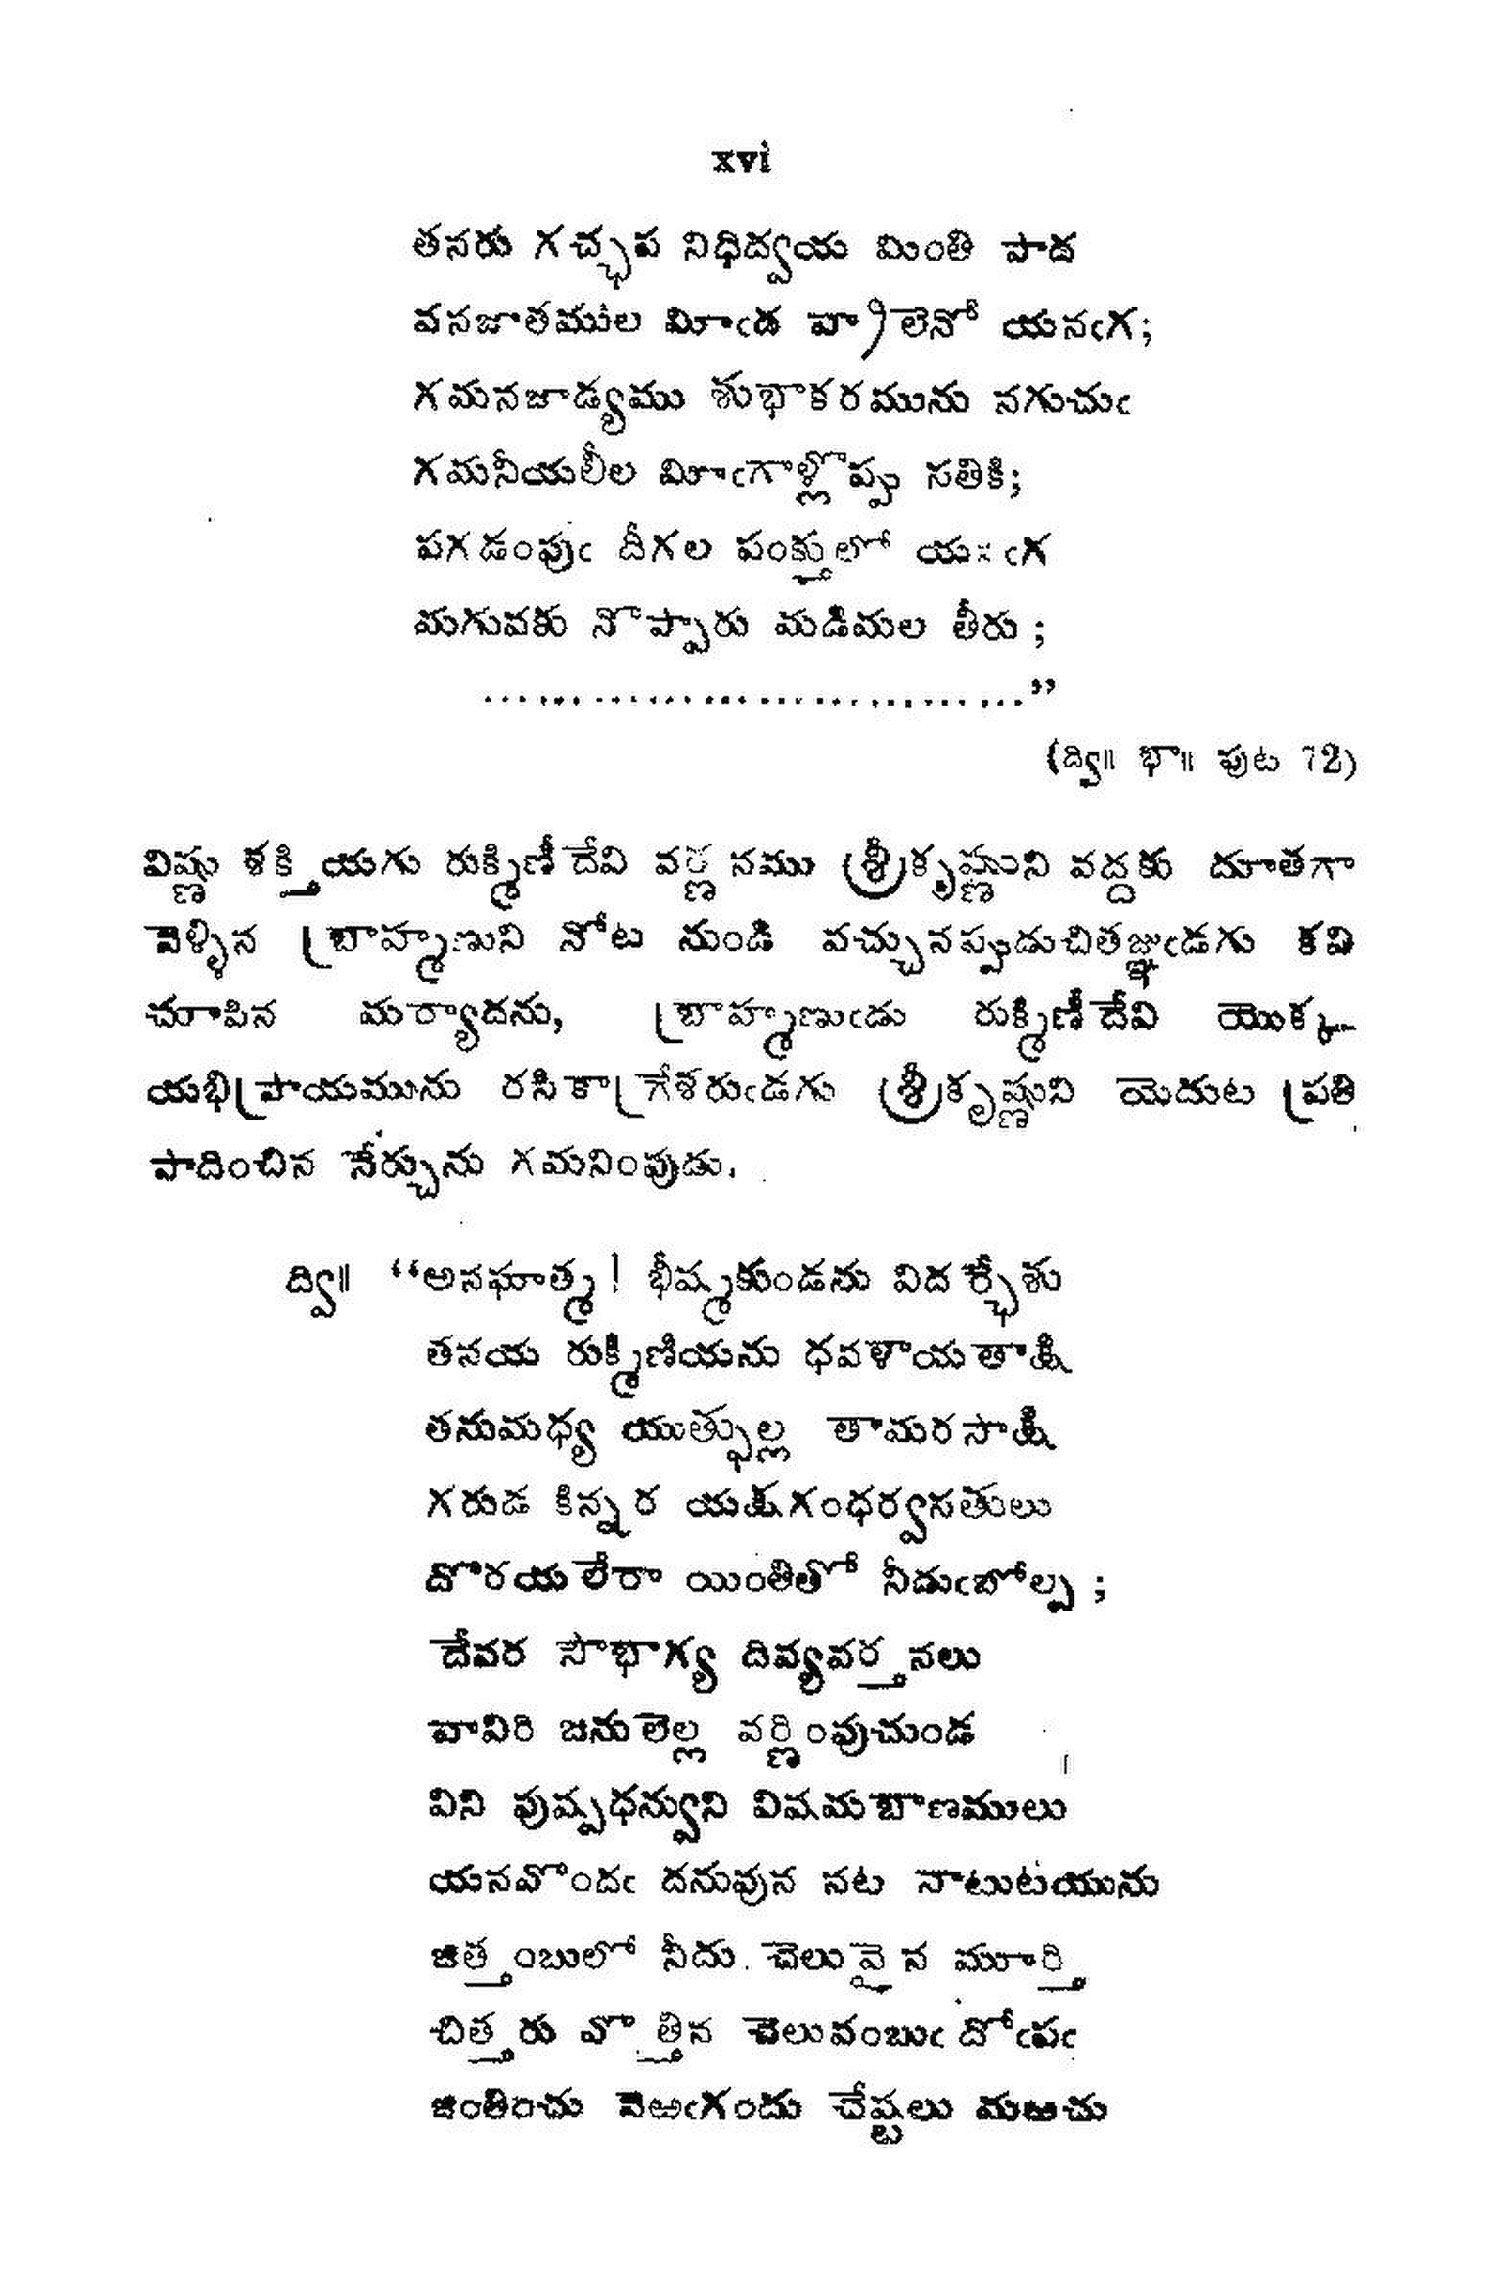విష్ణుశక్తియగు రుక్మిణీదేవి వర్ణనము శ్రీకృష్ణుని వద్దకు దూతగా వెళ్ళిన బ్రాహ్మణుని నోట నుండి వచ్చునప్పుడు చితజ్ఞుఁడగు కవి చూపిన మర్యాదను, బ్రాహ్మణుఁడు రుక్మిణీదేవి యొక్క యభిప్రాయమును రసికాగ్రేశరుఁడగు శ్రీకృష్ణుని యెదుట ప్రతిపాదించిన నేర్పును గమనింపుడు.